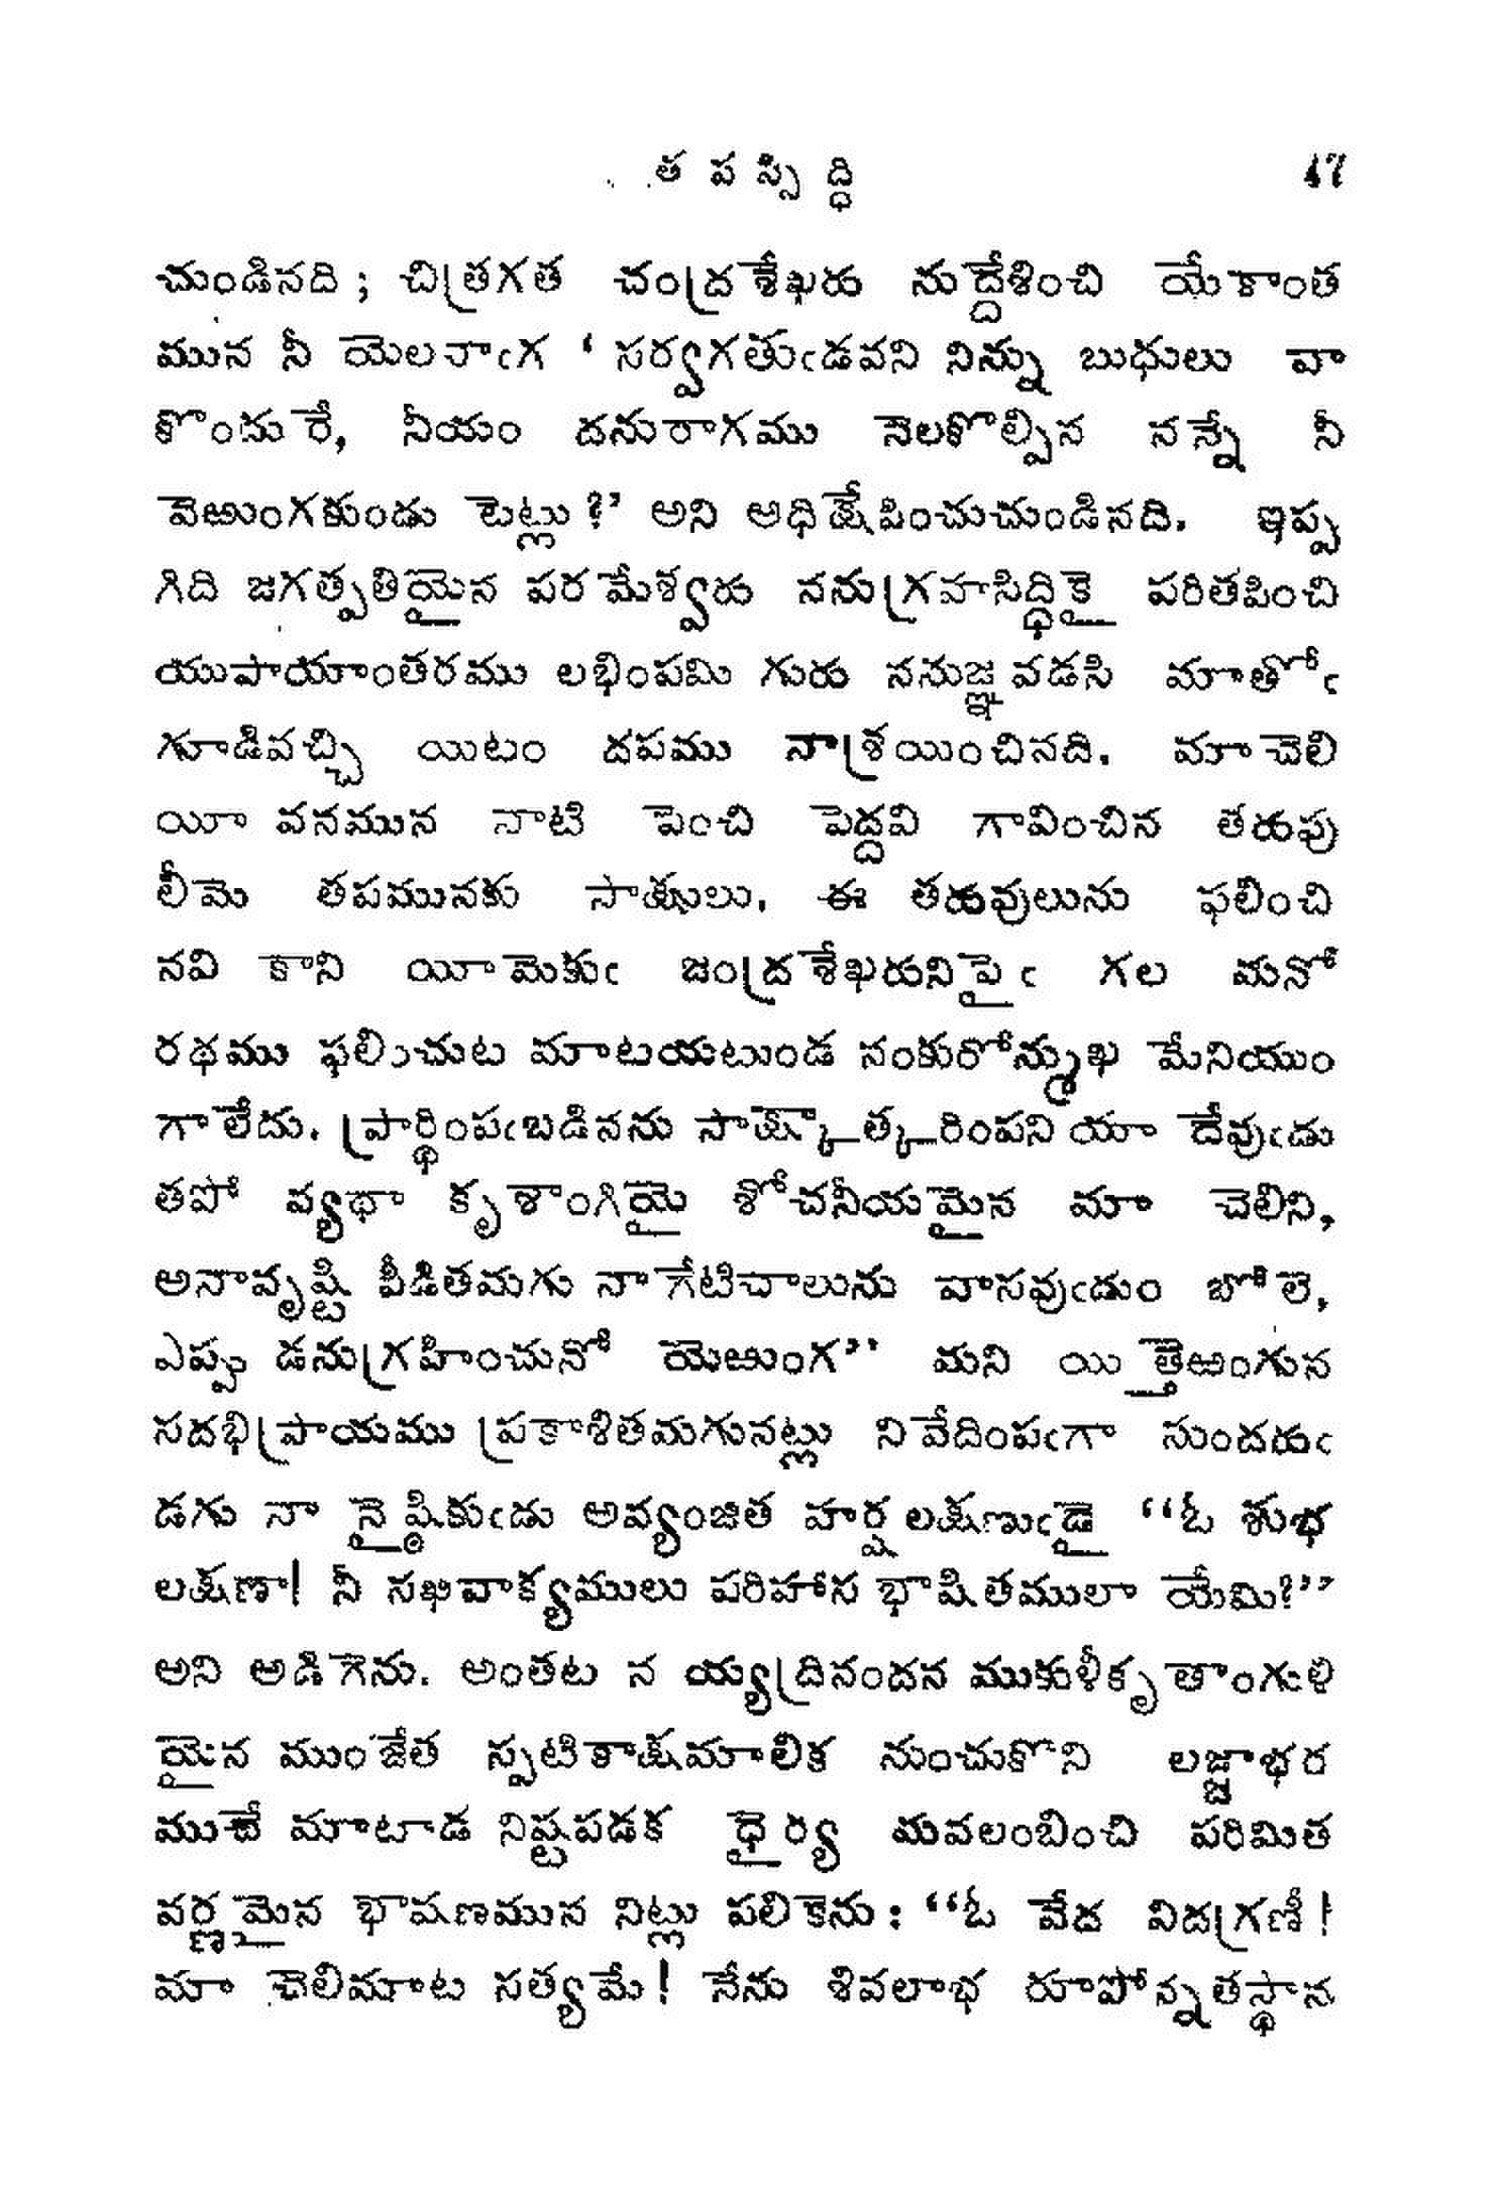చుండినది; చిత్రగత చంద్రశేఖరు నుద్దేశించి యేకాంతమున నీ యెలవాఁగ ' సర్వగతుఁడవని నిన్ను బుధులు వా కొందురే నీయం దనురాగము నెలకొల్పిన నన్నే నీ వెఱుంగకుండు టెట్లు?' అని అధిక్షేపించుచుండినది. ఇప్పగిది జగత్పతియైన పరమేశ్వరు ననుగ్రహసిద్ధికై పరితపించి యుపాయాంతరము లభింపమి గురు ననుజ్ఞ వడసి మాతోఁ గూడివచ్చి యిటం దపము నాశ్రయించినది.మా చెలి యీ వనమున నాటి పెంచి పెద్దవి గావించిన తరుపు లీమె తపమునకు సాక్షులు, ఈ తరువులును ఫలించినవి కానీ యీమెకుఁ జంద్రశేఖరునిపైఁ గల మనోరథము ఫలించుట మాటయటుండ సంకురోన్ముఖ మేనియుంగాలేదు. ప్రార్థింపఁబడినను సాక్షాత్కరింపని యా దేవుఁడు తపో వ్యథా కృశాంగియై శోచనీయమైన మా చెలిని,
అనావృష్టి పీడితమగు నా గేటిచాలును వాసవుఁడుం బోలె, ఎప్పు డనుగ్రహించునో యెఱుంగ” మని యిత్తెఱంగున
సదభిప్రాయము ప్రకాశితమగునట్లు నివేదింపఁగా సుందరుఁడగు నా నైష్ఠికుఁడు అవ్యంజిత హర్షలక్షణుఁడై "ఓ శుభ లక్షణా! నీ సఖివాక్యములు పరిహాస భాషితములా యేమి?” అని అడిగెను. అంతట న య్యద్రినందన ముకుళీకృతాంగుళీ
యైన ముంజేత స్పటికాక్షమాలిక నుంచుకొని లజ్జాభరముచే మాటాడ నిష్టపడక ధైర్య మవలంబించి పరిమితవర్ణమైన భాషణమున నిట్లు పలికెను: “ఓ వేద విదగ్రణీ! మా చెలిమాట సత్యమే! నేను శివలాభ రూపోన్నత స్థాన